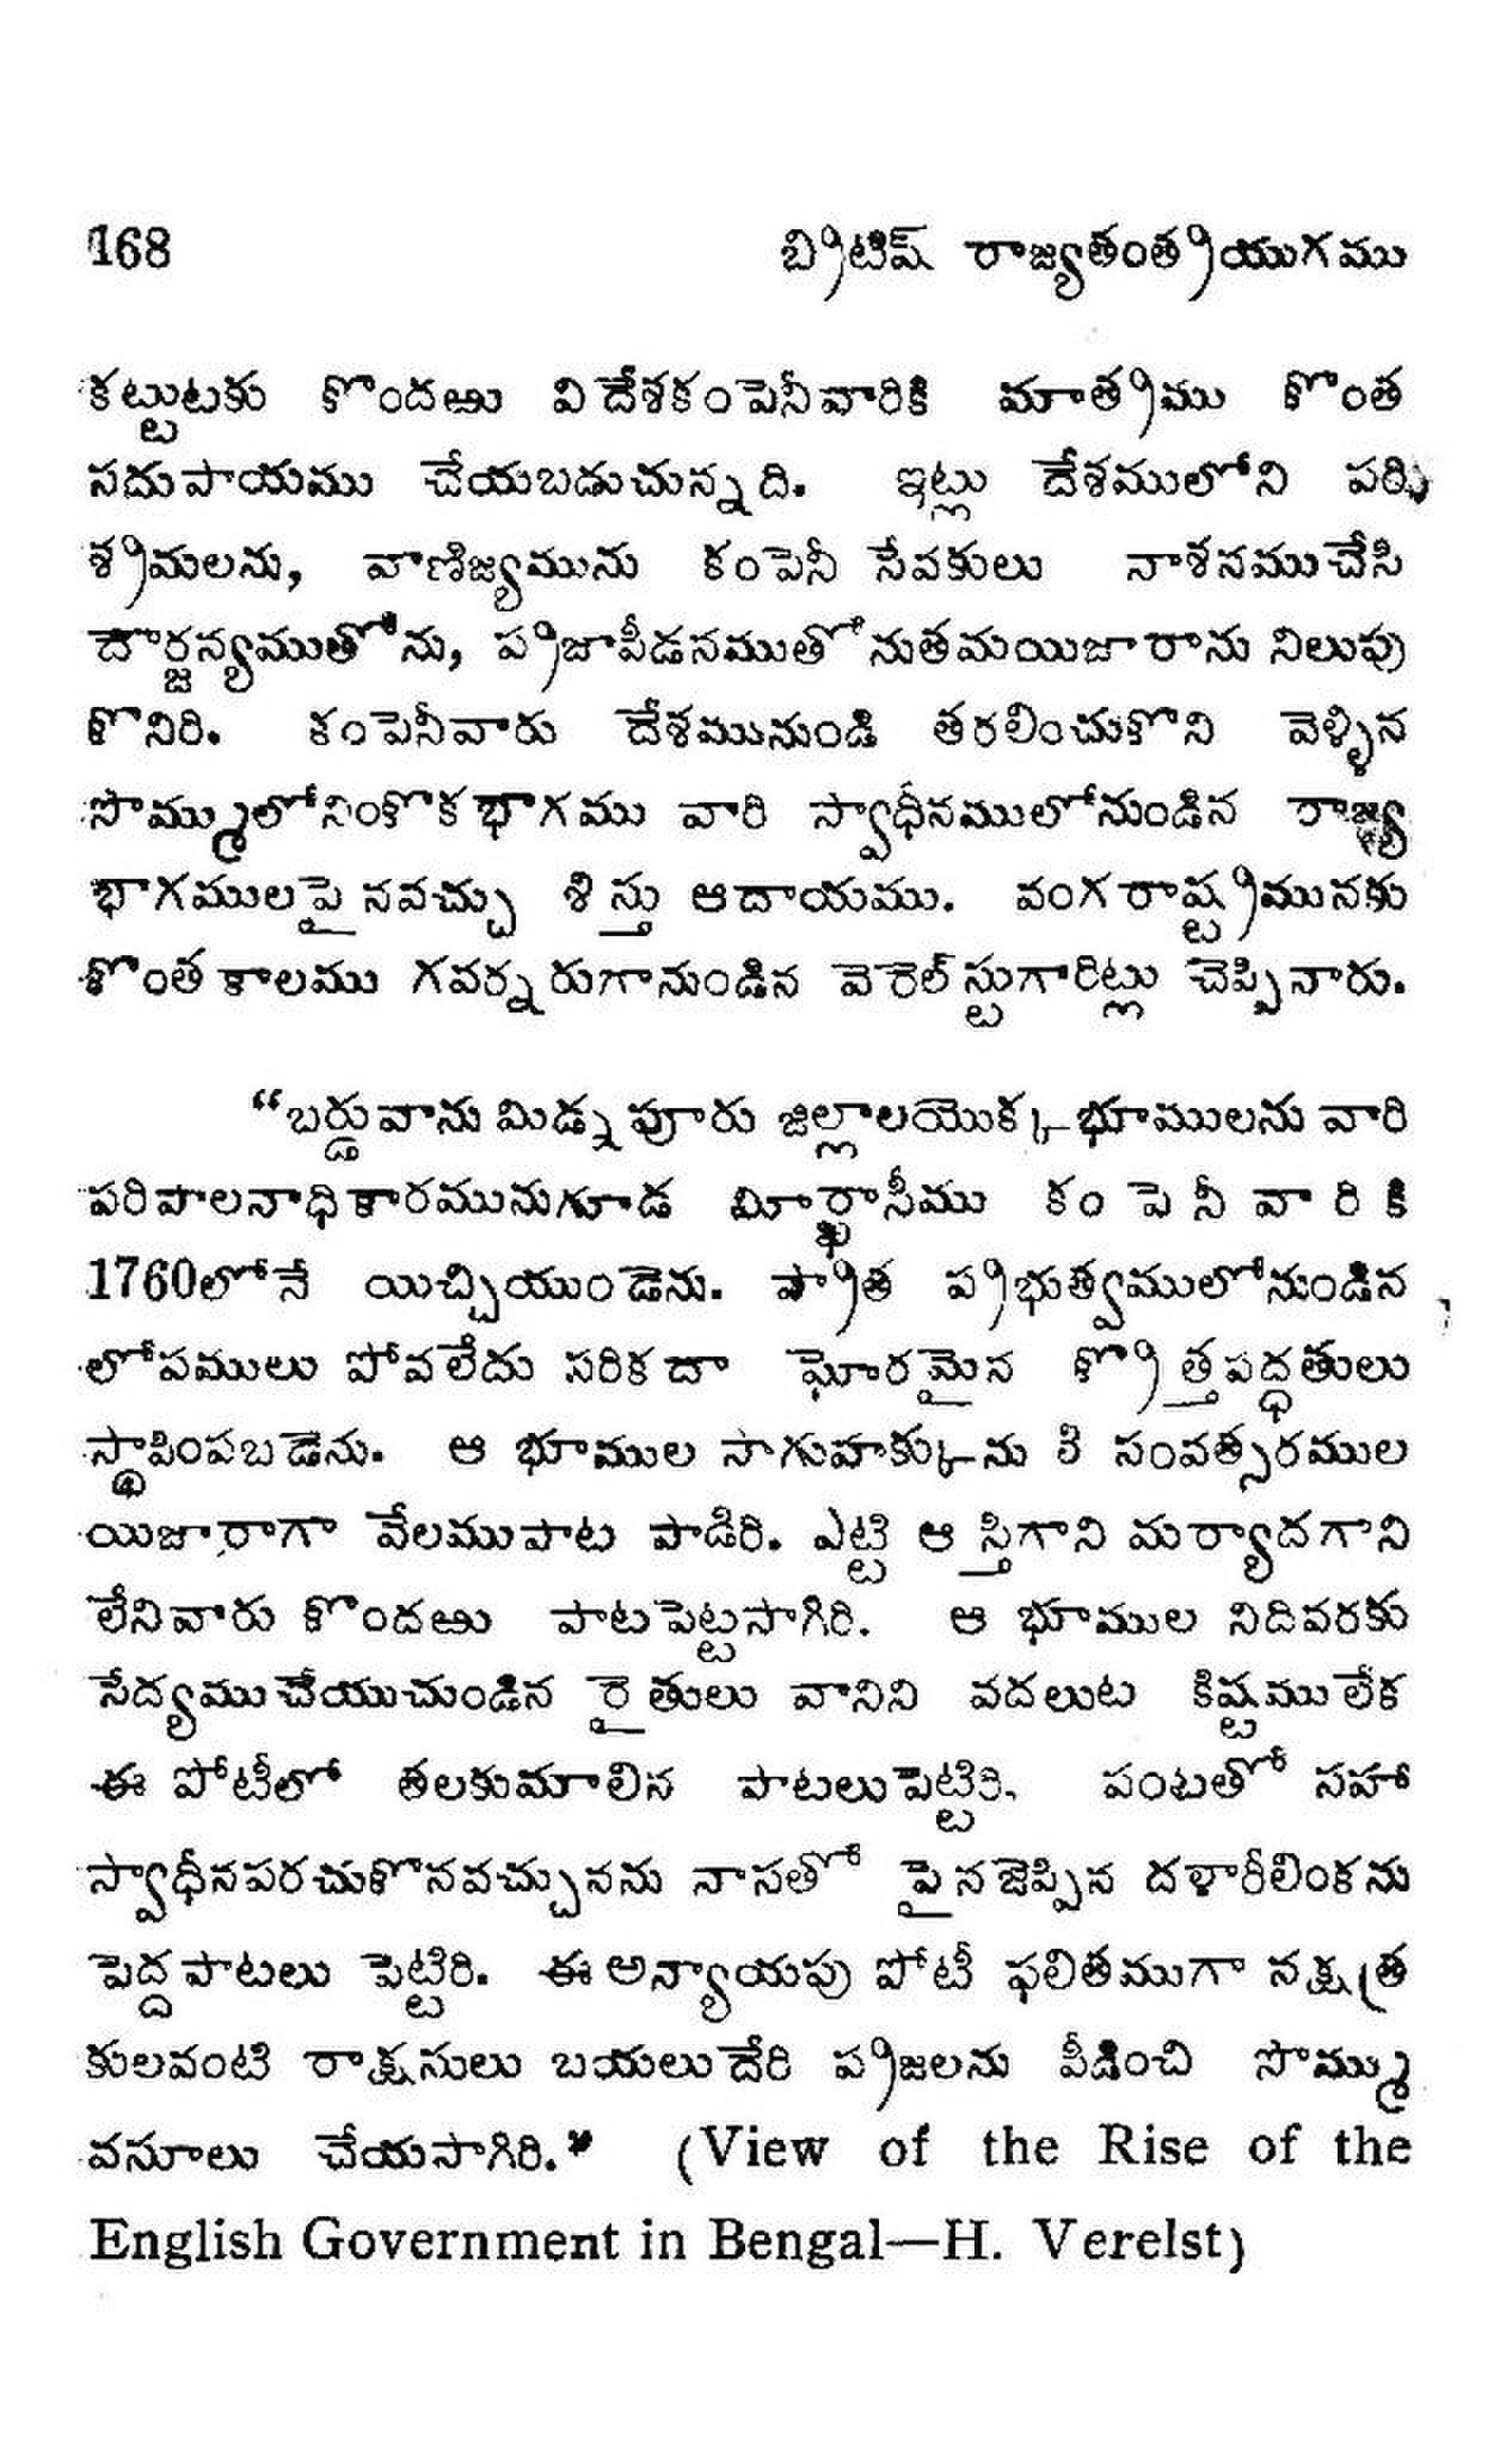కట్టుటకు కొందఱు విదేశకంపెనీవారికి మాత్రము కొంత సదుపాయము చేయబడుచున్నది. ఇట్లు దేశములోని పరిశ్రమలను, వాణిజ్యమును కంపెనీ సేవకులు నాశనముచేసి దౌర్జన్యముతోను, ప్రజాపీడనముతోను తమయిజారాను నిలుపుకొనిరి. కంపెనీవారు దేశమునుండి తరలించుకొని వెళ్ళిన సొమ్ములోనింకొకభాగము వారి స్వాధీనములోనుండిన రాజ్యభాగములపైనవచ్చు శిస్తు ఆదాయము. వంగరాష్ట్రమునకు కొంతకాలము గవర్నరుగానుండిన వెరెల్‌స్టుగారిట్లు చెప్పినారు.

“బర్డువాను మిడ్నపూరు జిల్లాలయొక్క భూములను వారి పరిపాలనాధికారమునుగూడ మీర్ఖాసీము కంపెనీవారికి 1760 లోనే యిచ్చియుండెను. ప్రాత ప్రభుత్వములోనుండిన , లోపములు పోవలేదు సరికదా ఘోరమైన క్రొత్తపద్ధతులు స్థాపింపబడెను. ఆ భూముల సాగుహక్కును 3 సంవత్సరముల యిజారాగా వేలముపాట పాడిరి. ఎట్టి ఆస్తిగాని మర్యాదగాని లేనివారు కొందఱు పాటపెట్టసాగిరి. ఆ భూముల నిదివరకు సేద్యముచేయుచుండిన రైతులు వానిని వదలుట కిష్టములేక ఈ పోటీలో తలకుమాలిన పాటలుపెట్టిరి. పంటతో సహా స్వాధీనపరచుకొనవచ్చునను నాసతో పైనజెప్పిన దళారీలింకను పెద్దపాటలు పెట్టిరి. ఈ అన్యాయపు పోటీ ఫలితముగా నక్షత్రకులవంటి రాక్షసులు బయలుదేరి ప్రజలను పీడించి సొమ్ము వసూలు చేయసాగిరి." (View of the Rise of the English Government in Bengal - H. Verelst)